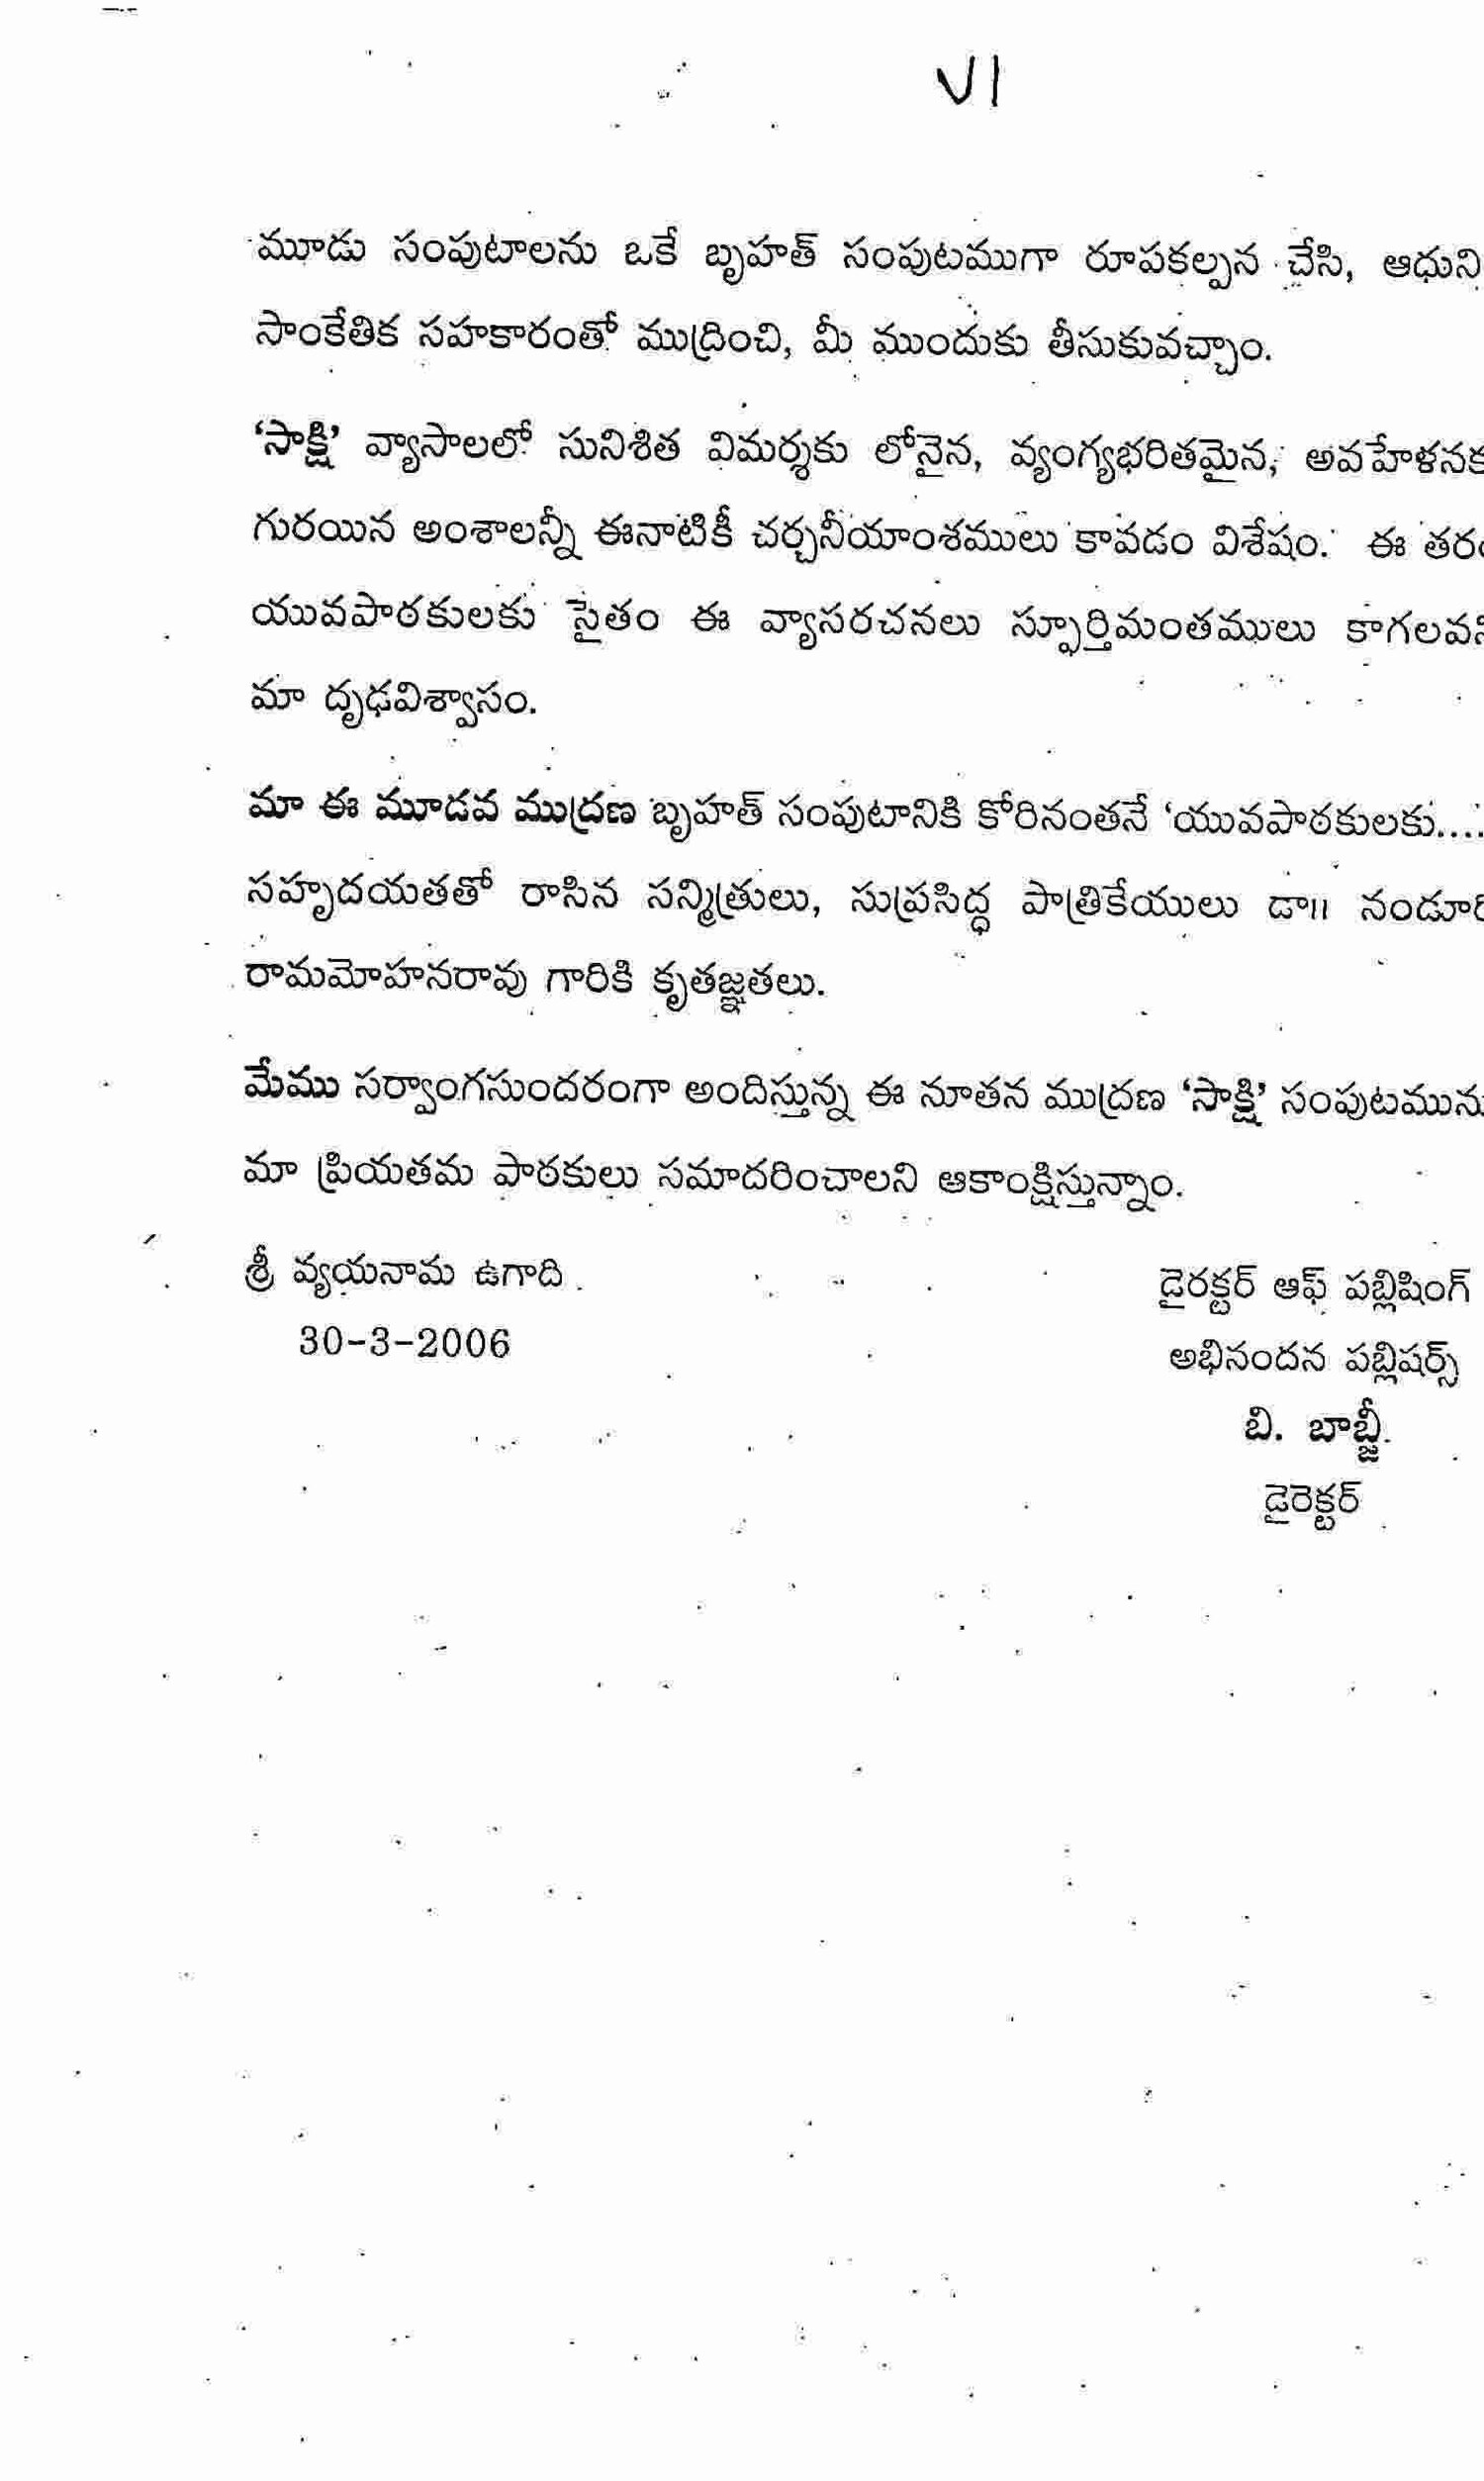మూడు సంపుటాలను ఒకే బృహత్ సంపుటముగా రూపకల్పన చేసి, ఆధునిక సాంకేతిక సహకారంతో ముద్రించి, మీ ముందుకు తీసుకువచ్చాం.

‘సాక్షి’ వ్యాసాలలో సునిశిత విమర్శకు లోనైన, వ్యంగ్యభరితమైన, అవహేళనకు గురయిన అంశాలన్నీ ఈనాటికీ చర్చనీయాంశములు కావడం విశేషం. ఈ తరం యువపాఠకులకు సైతం ఈ వ్యాసరచనలు స్ఫూర్తిమంతములు కాగలవని మా దృఢవిశ్వాసం.

మా ఈ మూడవ ముద్రణ బృహత్ సంపుటానికి కోరినంతనే ‘యువపాఠకులకు....’ సహృదయతతో రాసిన సన్మిత్రులు, సుప్రసిద్ధ పాత్రికేయులు డా॥ నండూరి రామమోహనరావు గారికి కృతజ్ఞతలు.

మేము సర్వాంగసుందరంగా అందిస్తున్న ఈ నూతన ముద్రణ ‘సాక్షి’ సంపుటమును మా ప్రియతమ పాఠకులు సమాదరించాలని ఆకాంక్షిస్తున్నాం.

శ్రీ వ్యయనామ ఉగాది 

30-3-2006